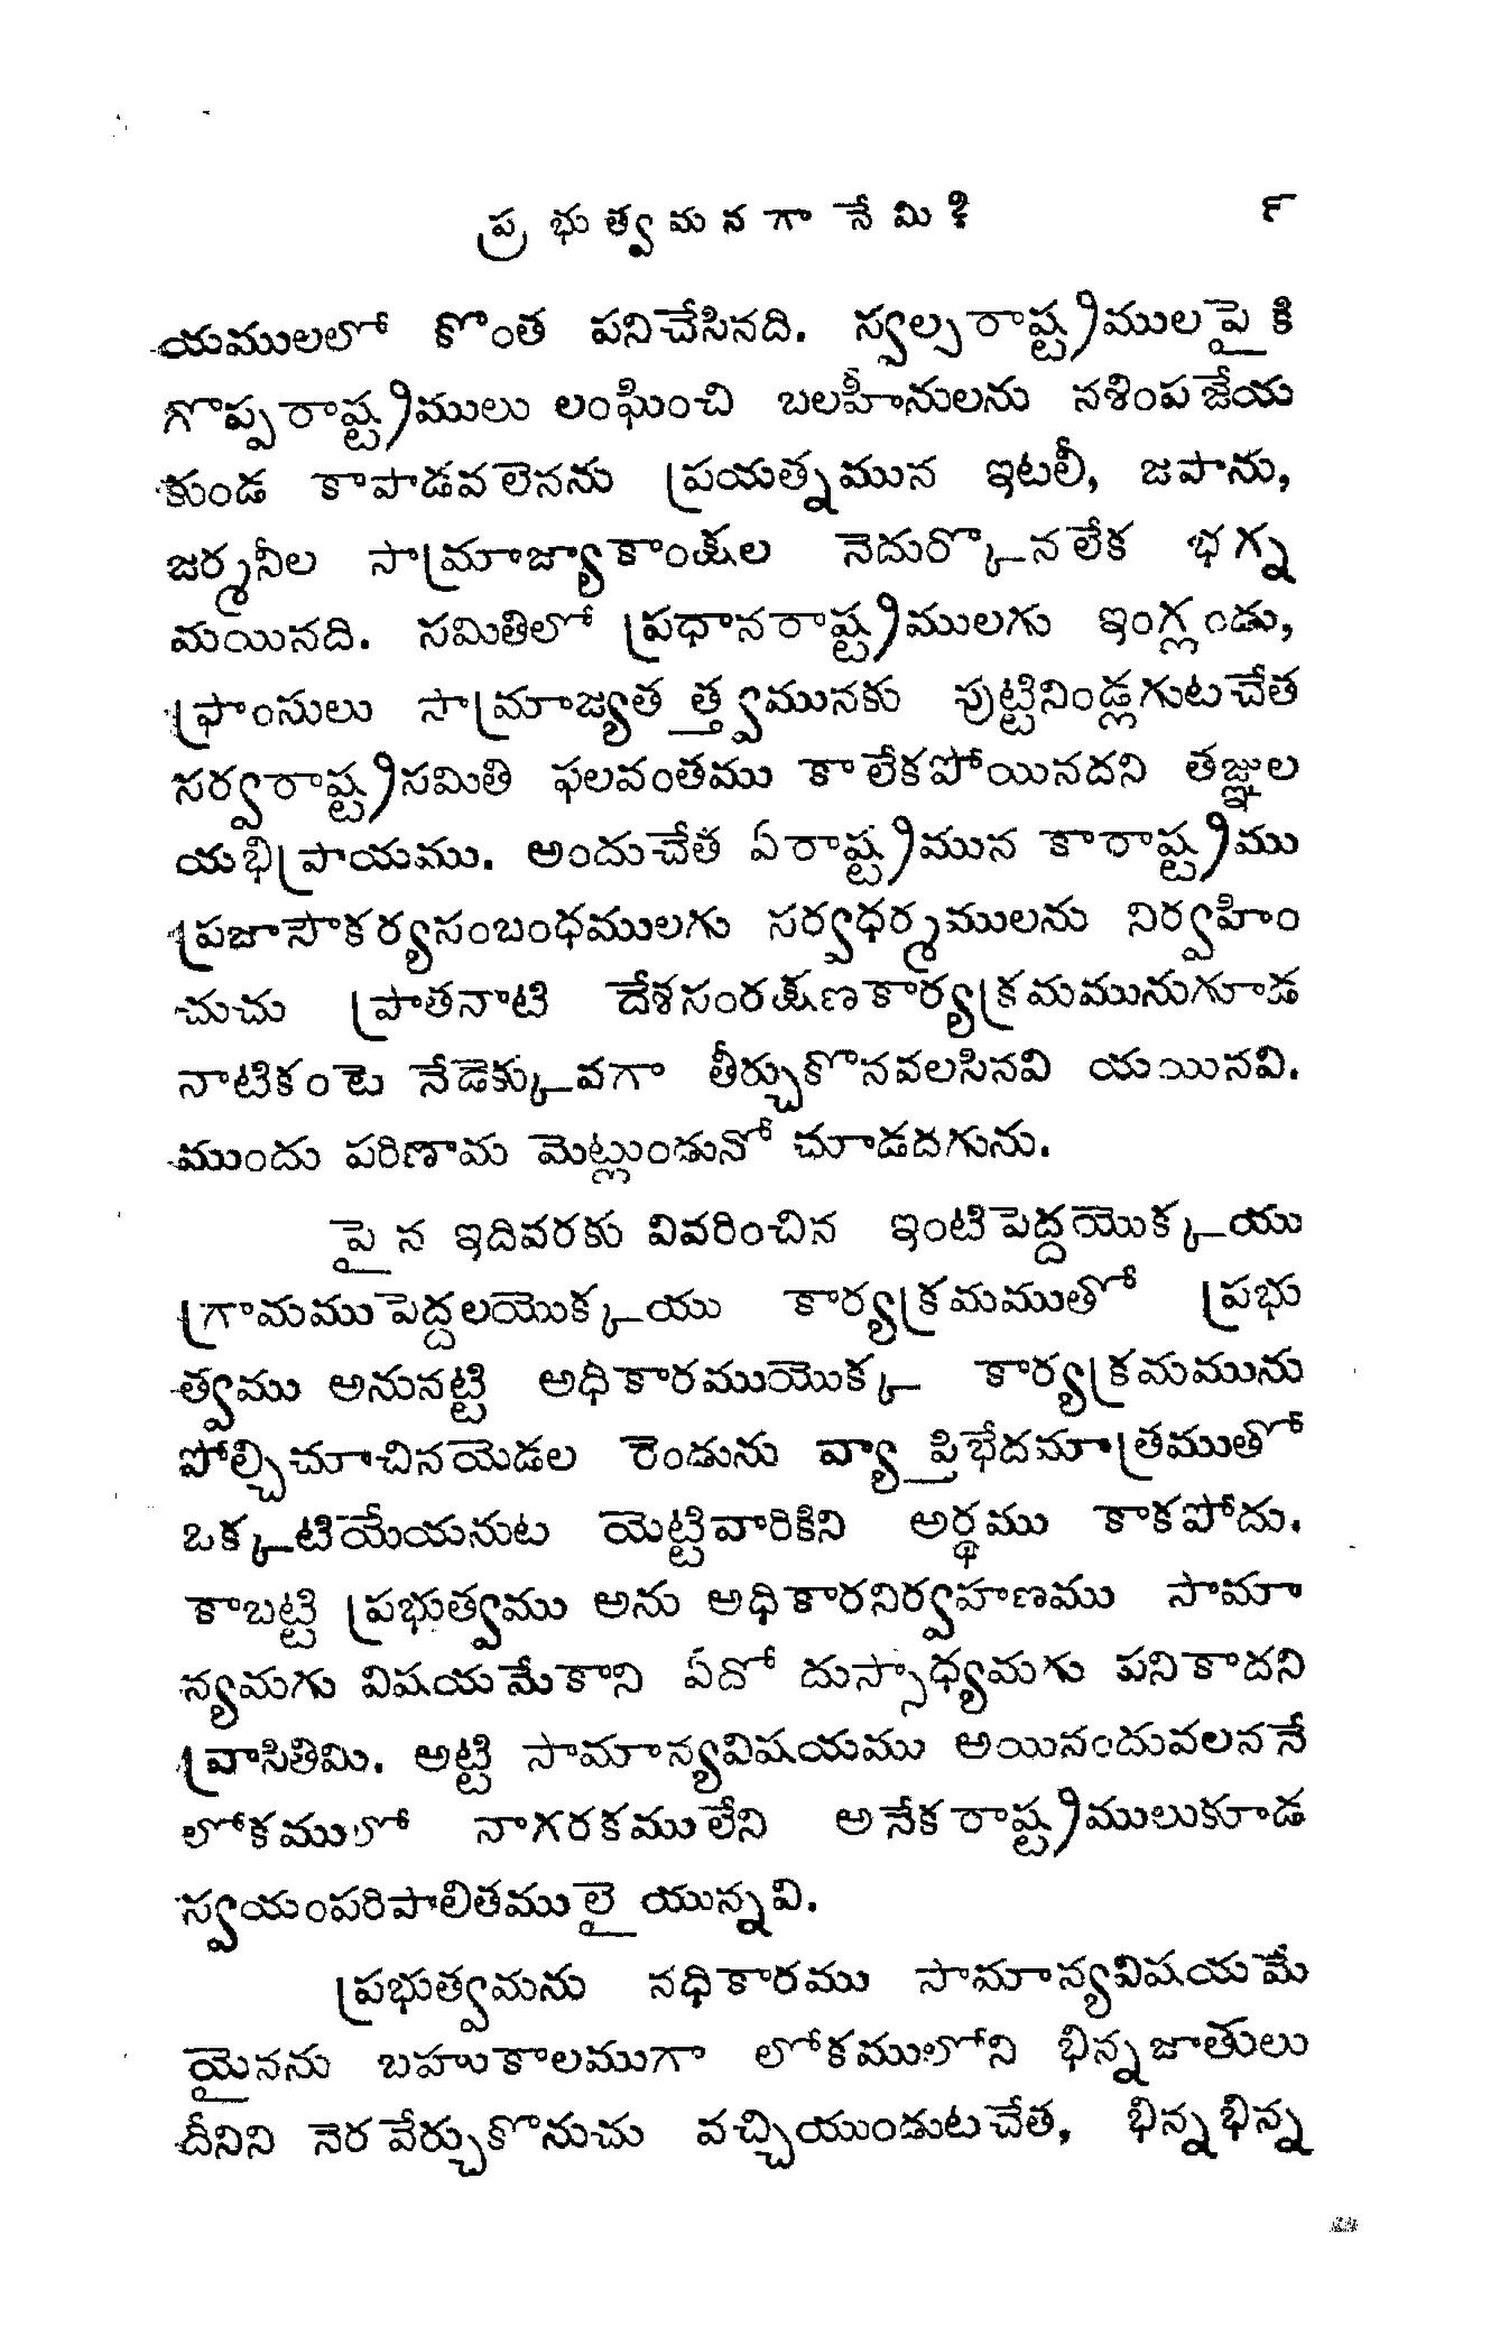యములలో కొంత పనిచేసినది. స్వల్ప రాష్ట్రములపైకి గొప్పరాష్ట్రములు లంఘించి బలహీనులను నశింపజేయకుండ కాపాడవలెనను ప్రయత్నమున ఇటలీ, జపాను, జర్మనీల సామ్రాజ్యకాంక్షల నెదుర్కొనలేక భగ్నమయినది. సమితిలో ప్రధానరాష్ట్రములగు ఇంగ్లండు, ఫ్రాంసులు సామ్రాజ్యతత్త్వమునకు పుట్టినిండ్లగుటచేత సర్వరాష్ట్రసమితి ఫలవంతము కాలేకపోయినదని తజ్ఞుల
యభిప్రాయము. అందుచేత ఏరాష్ట్రమున కారాష్ట్రము ప్రజాసౌకర్యసంబంధములగు సర్వధర్మములను నిర్వహించుచు ప్రాతనాటి దేశసంరక్షణకార్యక్రమమునుగూడ నాటికంటె నేడొక్కువగా తీర్చుకొనవలసినవి యయినవి. ముందు పరిణామ మెట్లుండునో చూడదగును.

పైన ఇదివరకు వివరించిన ఇంటిపెద్దయొక్కయు గ్రామముపెద్దలయొక్కయు కార్యక్రమముతో ప్రభుత్వము అనునట్టి అధికారముయొక్క కార్యక్రమమును పోల్చి చూచినయెడల రెండును వ్యాప్తిభేదమాత్రముతో ఒక్కటియేయనుట యెట్టివారికిని అర్థము కాకపోదు. కాబట్టి ప్రభుత్వము అను అధికారనిర్వహణము సామాన్యమగు విషయమేకాని ఏదో దుస్సాధ్యమగు పనికాదని వ్రాసితిమి. అట్టి సామాన్యవిషయము అయినందువలననే లోకములో నాగరకములేని అనేక రాష్ట్రములుకూడ
స్వయంపరిపాలితములై యున్నవి.

ప్రభుత్వమను నధికారము సామాన్యవిషయమే యైనను బహుకాలముగా లోకములోని భిన్నజాతులు
దీనిని నెరవేర్చుకొనుచు వచ్చియుండుటచేత, భిన్న భిన్న